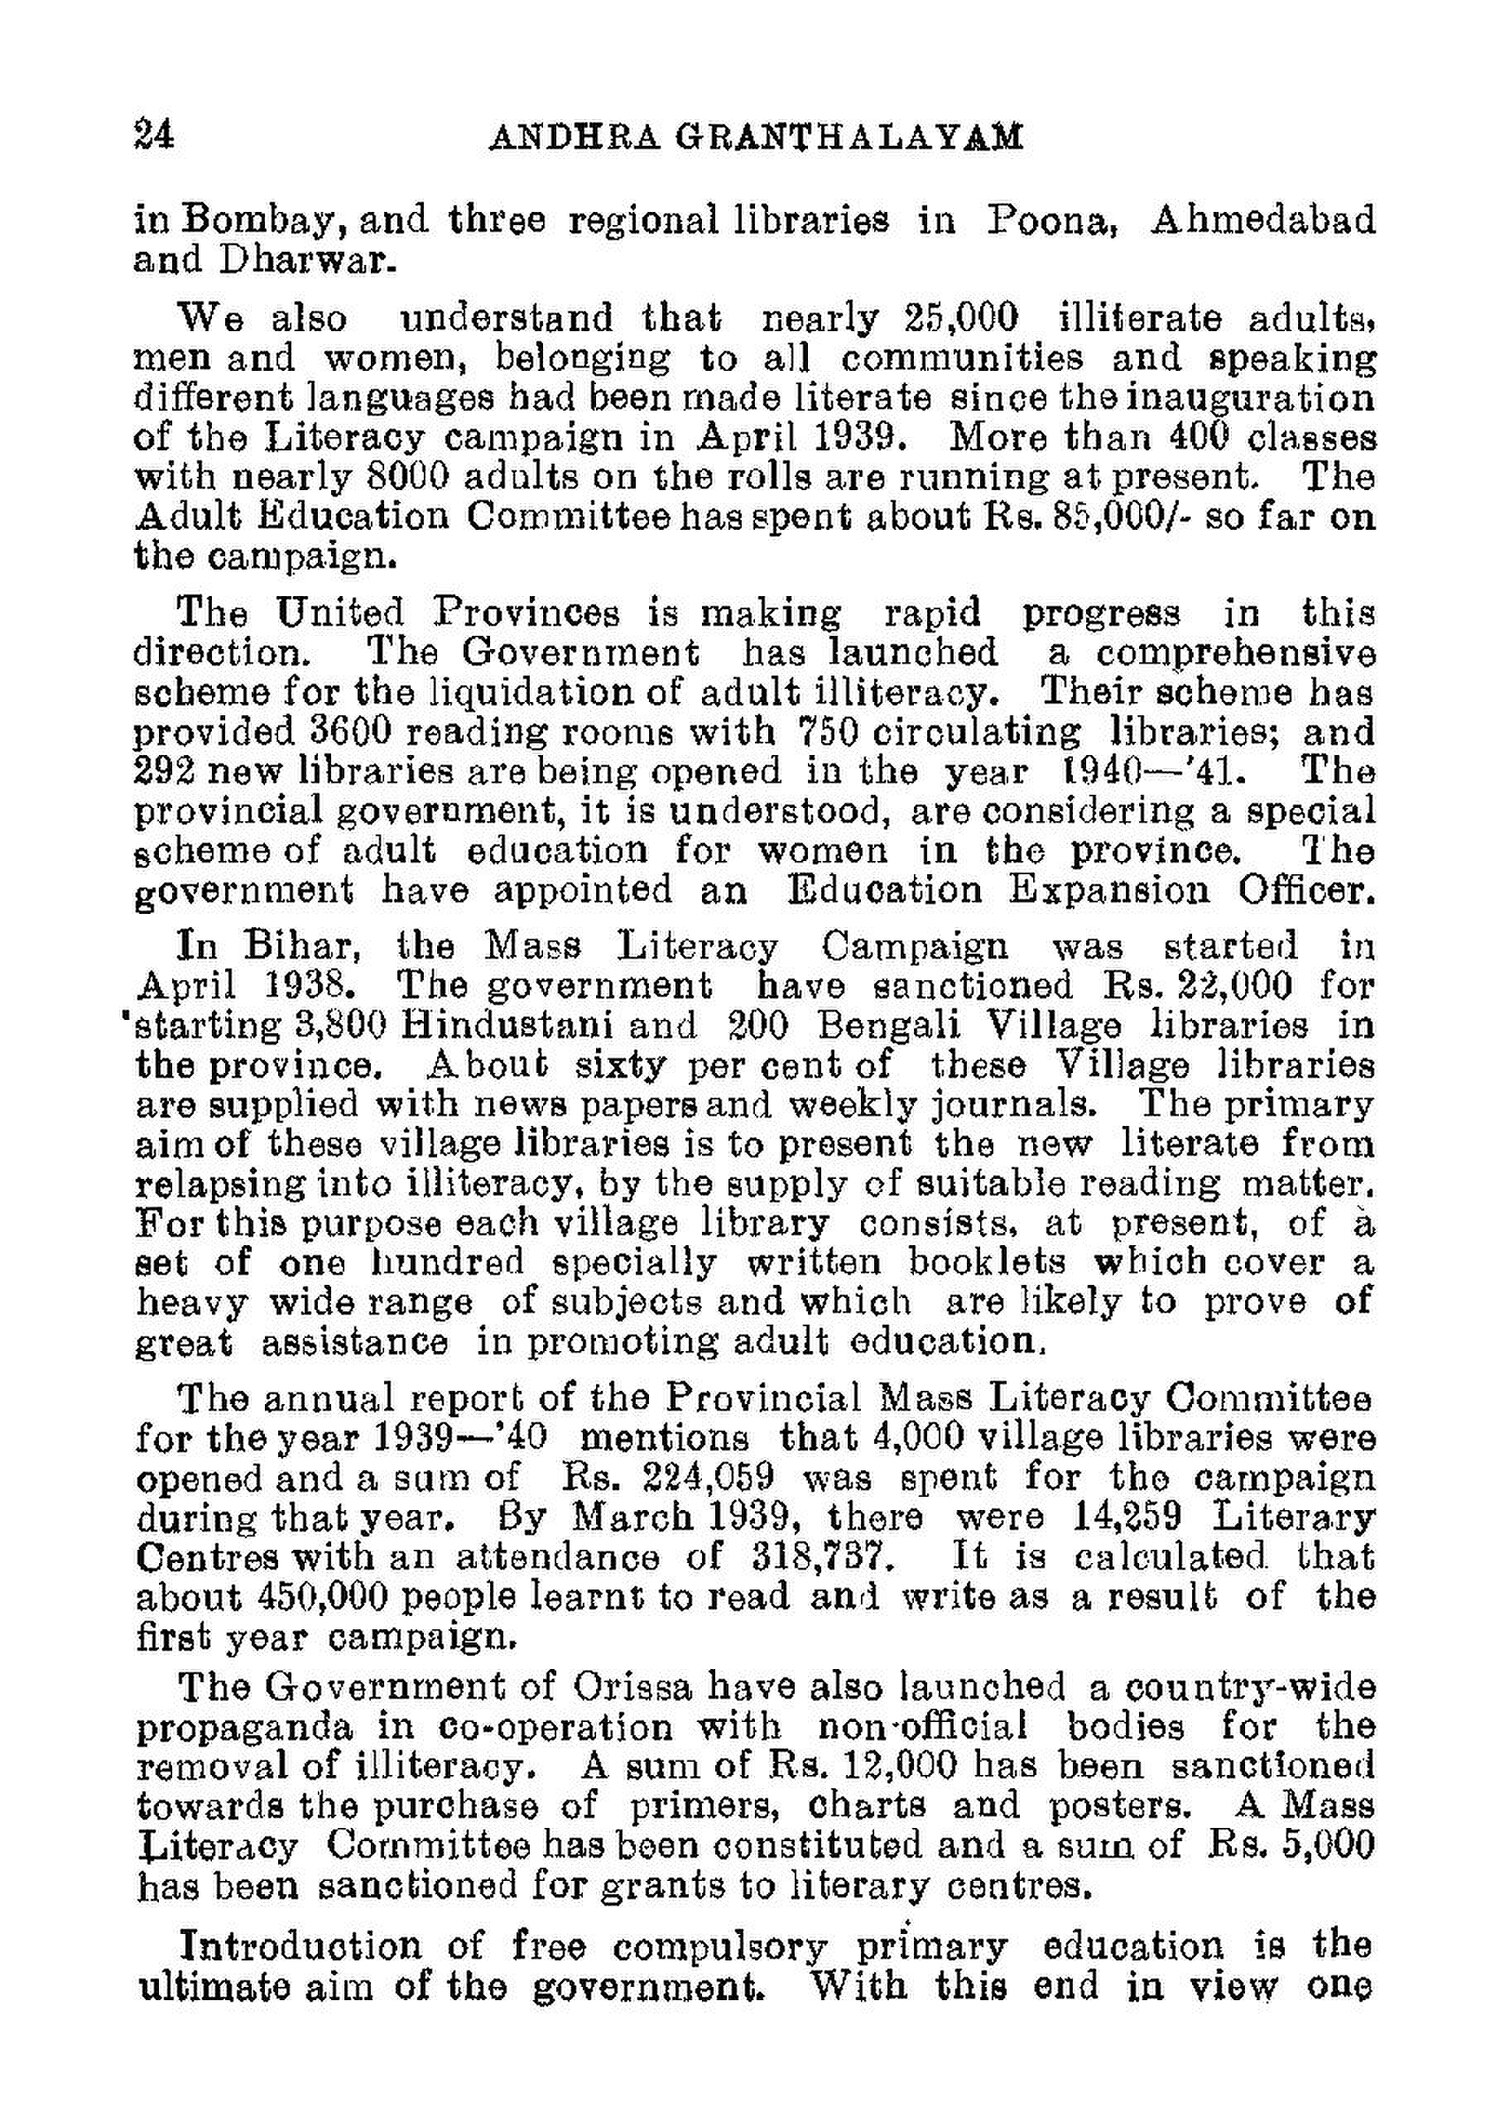in Bombay, and three regional libraries in Poona, Ahmedabad and Dharwad.

We also understand that nearly 25,000 illiterate adults, men and women, belonging to all communities and speaking
different languages had been made literate since the inauguration of the Literacy campaign in April 1939. More 
than 400 classes with nearly 8000 adults on the rolls are running at present. The Adult Education Committee has spent about Rs.85,000/- so far on the campaign.

The United Provinces is making rapid progress in this direction. The Government has launched a comprehensive
scheme for the liquidation of adult illiteracy. Their scheme has provided 3600 reading rooms with 750 circulating libraries; and 292 new libraries are being opened in the year 1940-41. The provincial government, it is understood, are considering a special scheme of adult education for women in the province. The government have appointed an Education Expansion Officer.

In Bihar, the Mass Literacy Campaign was started in April 1938. The government have sanctioned Rs.22,000 for
starting 3,800 Hindustani and 200 Bengali Village libraries in the province. About sixty per cent of these 
Village libraries are supplied with news papers and weekly journals. The primary aim of these village libraries
is to present the new literate from relapsing into illiteracy, by the supply of suitable reading matter.
For this purpose each village library consists, at present, of à set of one hundred specially written booklets which cover a heavy wide range of subjects and which are likely to prove of great assistance in promoting adult education.

The annual report of the Provincial Mass Literacy Committee for the year 1939-40 mentions that 4,000 village libraries were opened and a sum of Rs.224,059 was spent for the campaign during that year. By March 1939, there were 14,259 Literary Centers with an attendance of 318,737. It is calculated that about 450,000 people learnt to read and write as a result of the first year campaign.

The Government of Orissa have also launched a country-wide propaganda in co-operation with non official bodies 
for the removal of illiteracy. A sum of Rs.12,000 has been sanctioned towards the purchase of primers, charts 
and posters. A Mass Literacy Committee has been constituted and a sum of Rs.5,000 has been sanctioned for grants 
to literary centers.

Introduction of free compulsory primary education is the ultimate aim of the government. With this end in view one